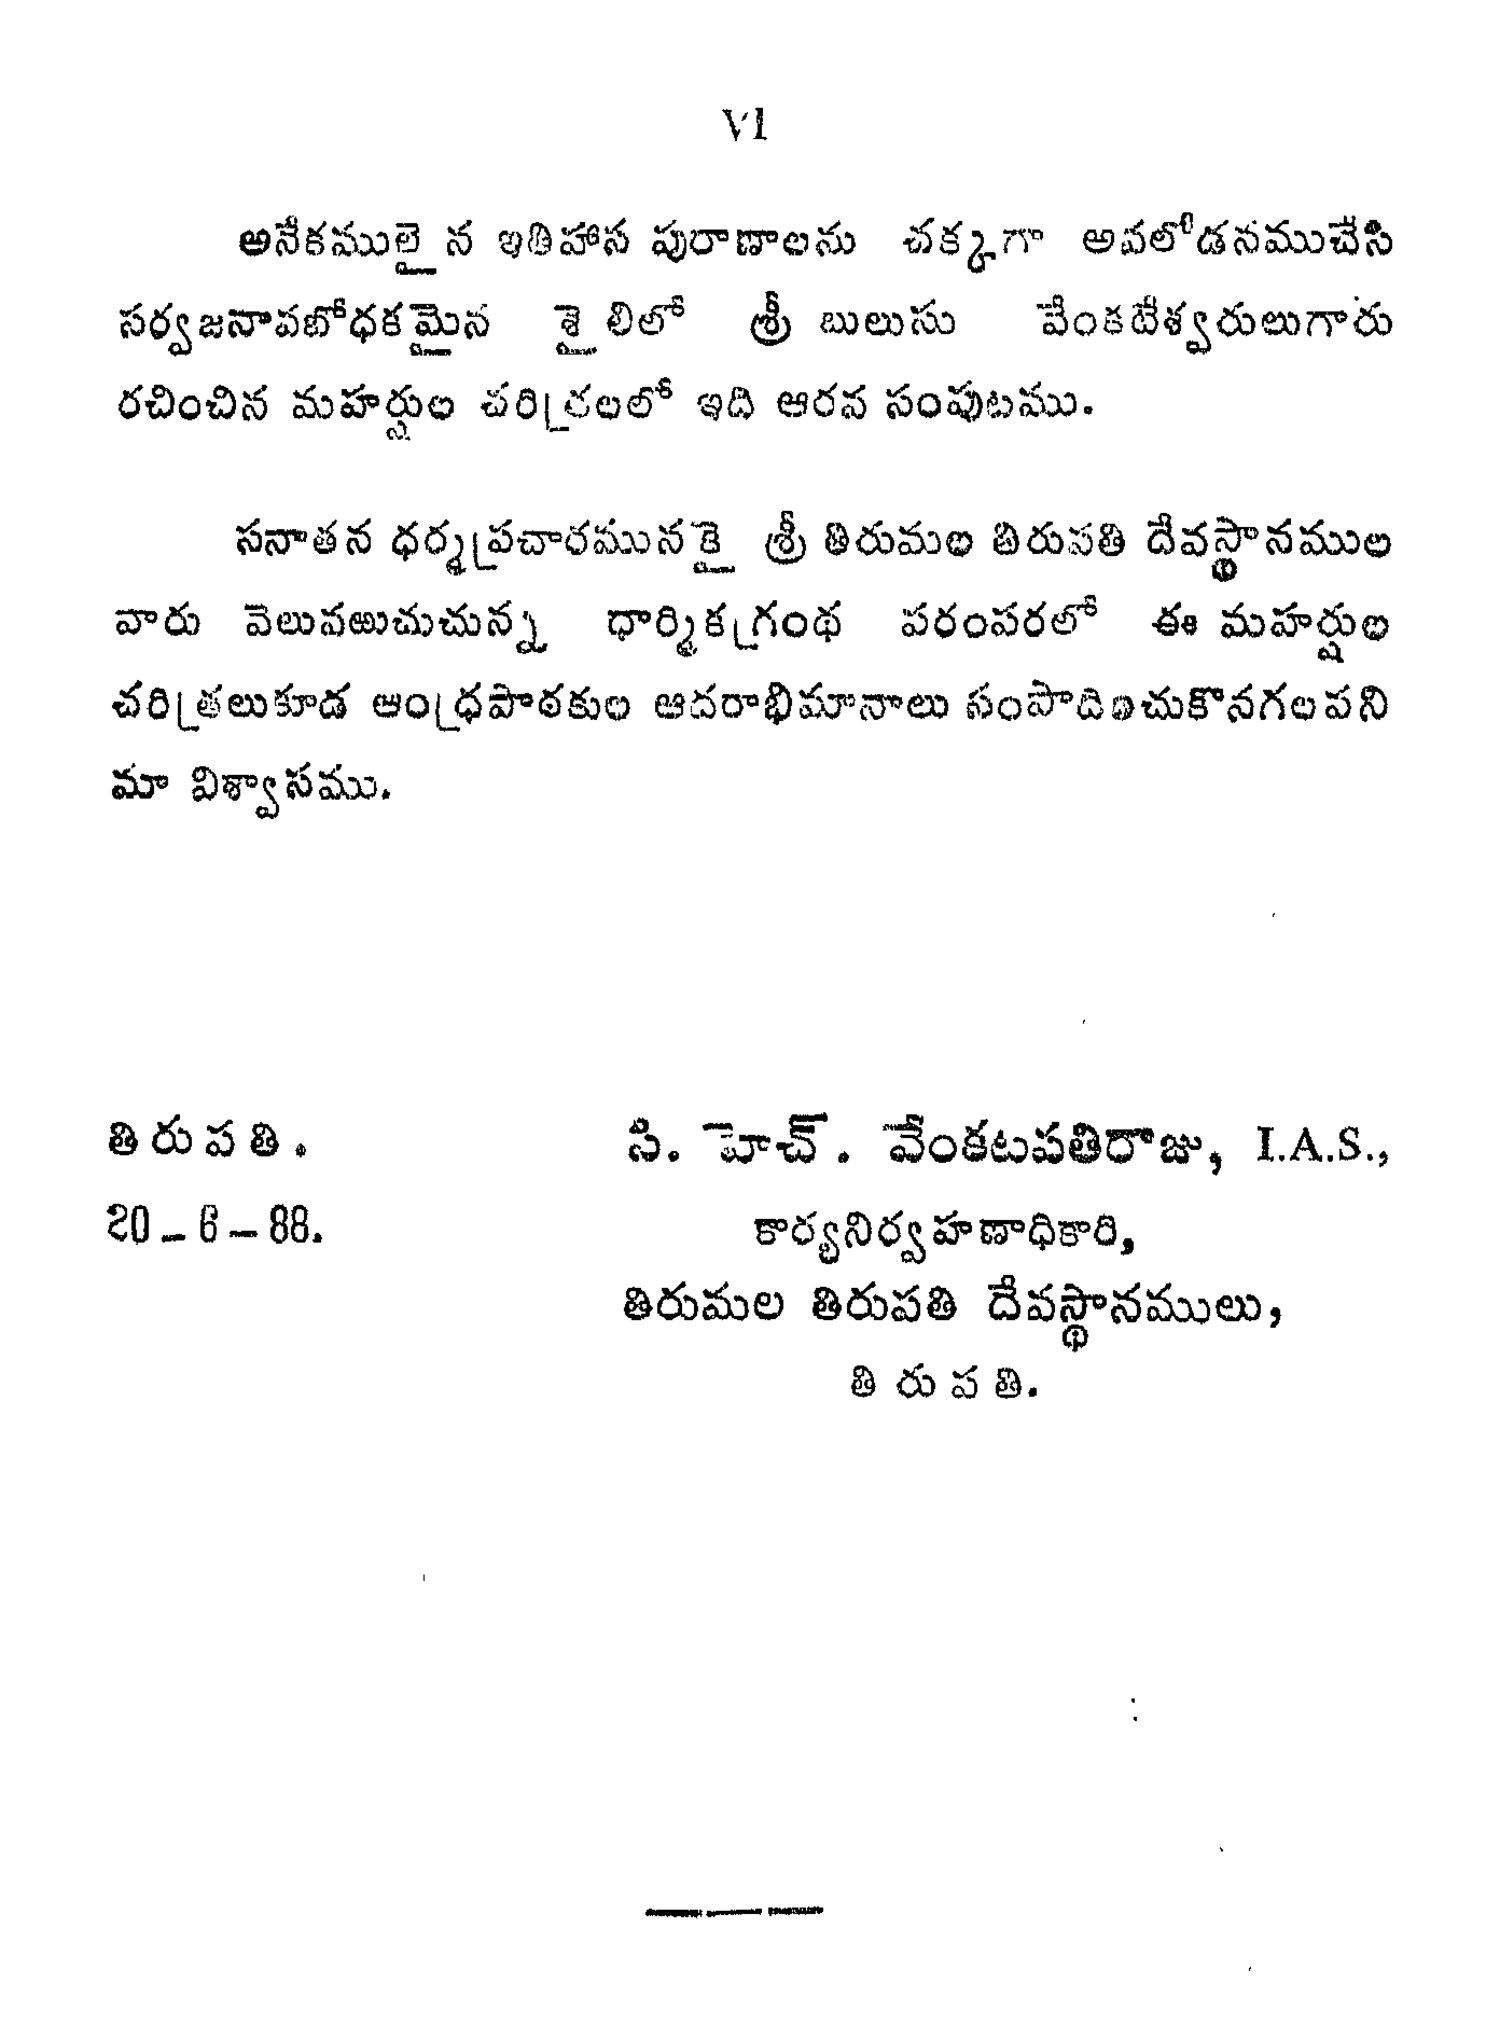అనేకములైన ఇతిహాస పురాణాలను చక్కగా అవలోడనముచేసి సర్వజనావబోధకమైన శైలిలో శ్రీ బులుసు వేంకటేశ్వరులుగారు రచించిన మహర్షుల చరిత్రలలో ఇది ఆరవ సంపుటము.

సనాతన ధర్మప్రచారమునకై శ్రీ తిరుమల తిరుపతి దేవస్థానముల వారు వెలువఱుచుచున్న ధార్మికగ్రంథ పరంపరలో ఈ మహర్షుల చరిత్రలుకూడ ఆంధ్రపాఠకుల ఆదరాభిమానాలు సంపాదించుకొనగలవని మా విశ్వాసము.

తిరుపతి, 

20 - 6 - 88.